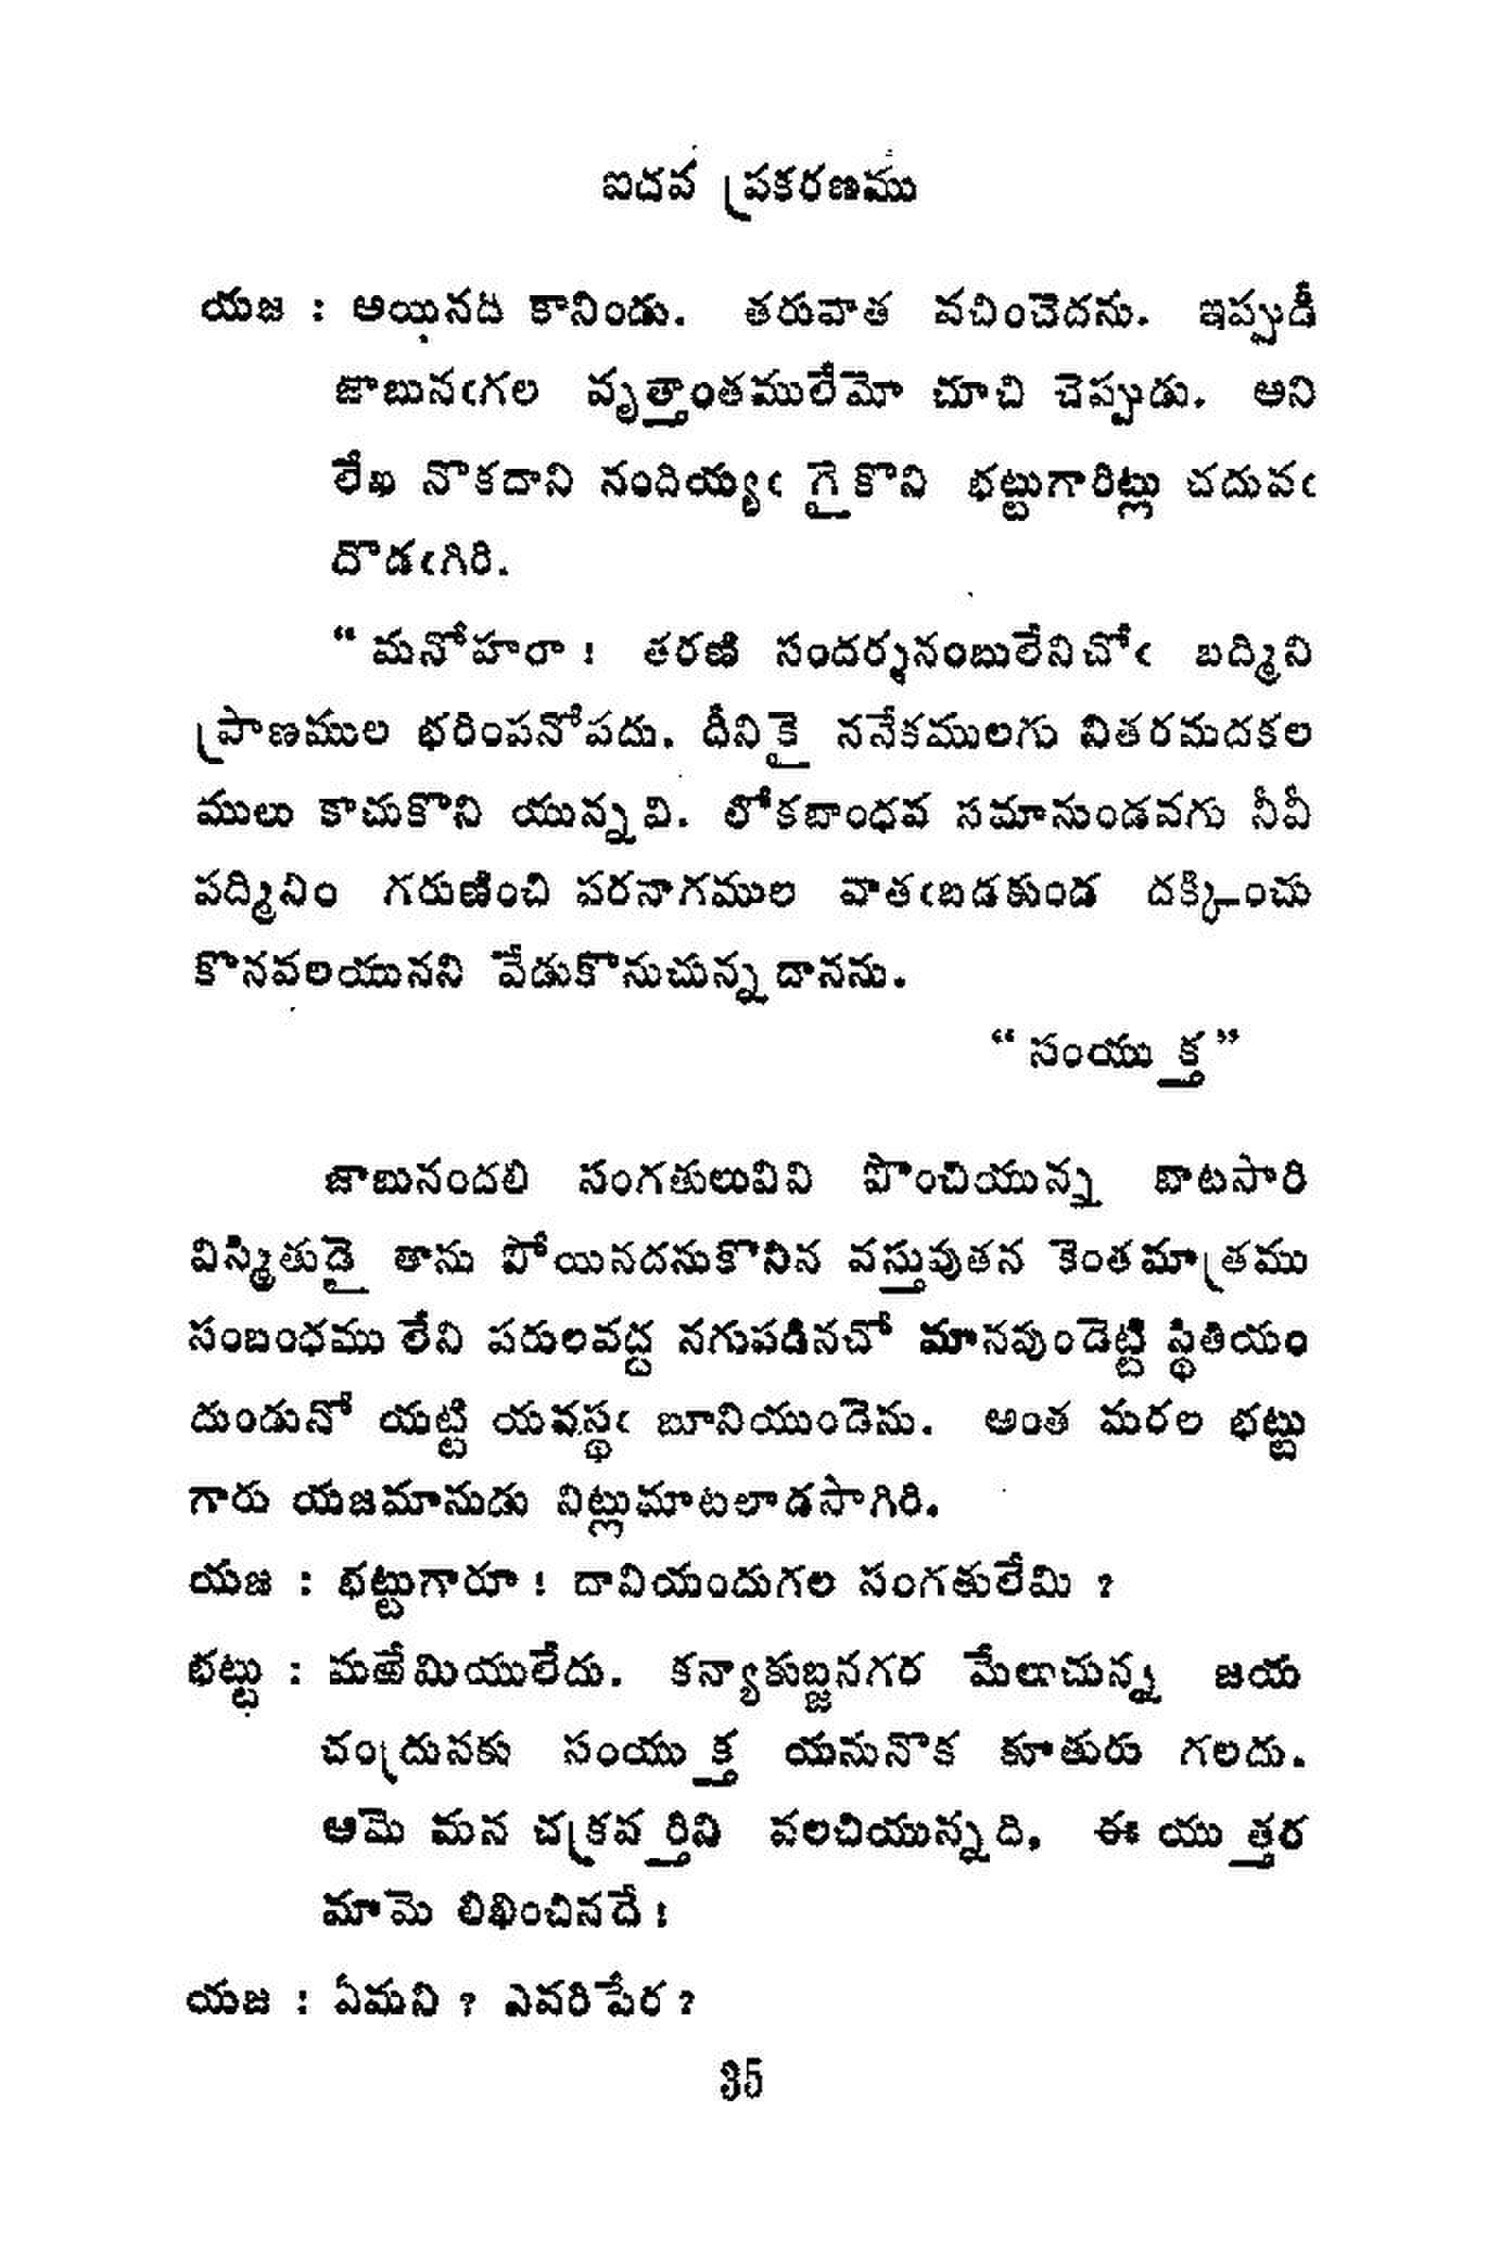యజ : అయినది కానిండు. తరువాత వచించెదను. ఇప్పుడీ జాబునఁగల వృత్తాంతములేమో చూచి చెప్పుడు. అని లేఖ నొకదాని నందియ్యఁ గైకొని భట్టుగారిట్లు చదువఁ దొడఁగిరి.

"మనోహరా ! తరణి సందర్శనంబులేనిచోఁ బద్మిని ప్రాణముల భరింపనోపదు. దీనికై ననేకములగు నితరమదకలములు కాచుకొని యున్నవి. లోకబాంధవ సమానుండవగు నీవీ పద్మినిం గరుణించి పరనాగముల వాతఁబడకుండ దక్కించు కొనవలయునని వేడుకొనుచున్న దానను.

జాబునందలి సంగతులువిని పొంచియున్న బాటసారి విస్మితుడై తాను పోయినదనుకొనిన వస్తువుతన కెంతమాత్రము సంబంధము లేని పరులవద్ద నగుపడినచో మానవుండెట్టి స్థితియందుండునో యట్టి యవస్థఁ బూనియుండెను. అంత మరల భట్టు గారు యజమానుడు నిట్లుమాటలాడసాగిరి. -

యజ : భట్టుగారూ ! దావియందుగల సంగతులేమి ? 

భట్టు : మఱేమియులేదు. కన్యాకుబ్జనగర మేలుచున్న జయచంద్రునకు సంయుక్త యనునొక కూతురు గలదు. ఆమె మన చక్రవర్తిని వలచియున్నది, ఈ యుత్తర మామె లిఖించినదే ! 

యజ : ఏమని ? ఎవరి పేరు?